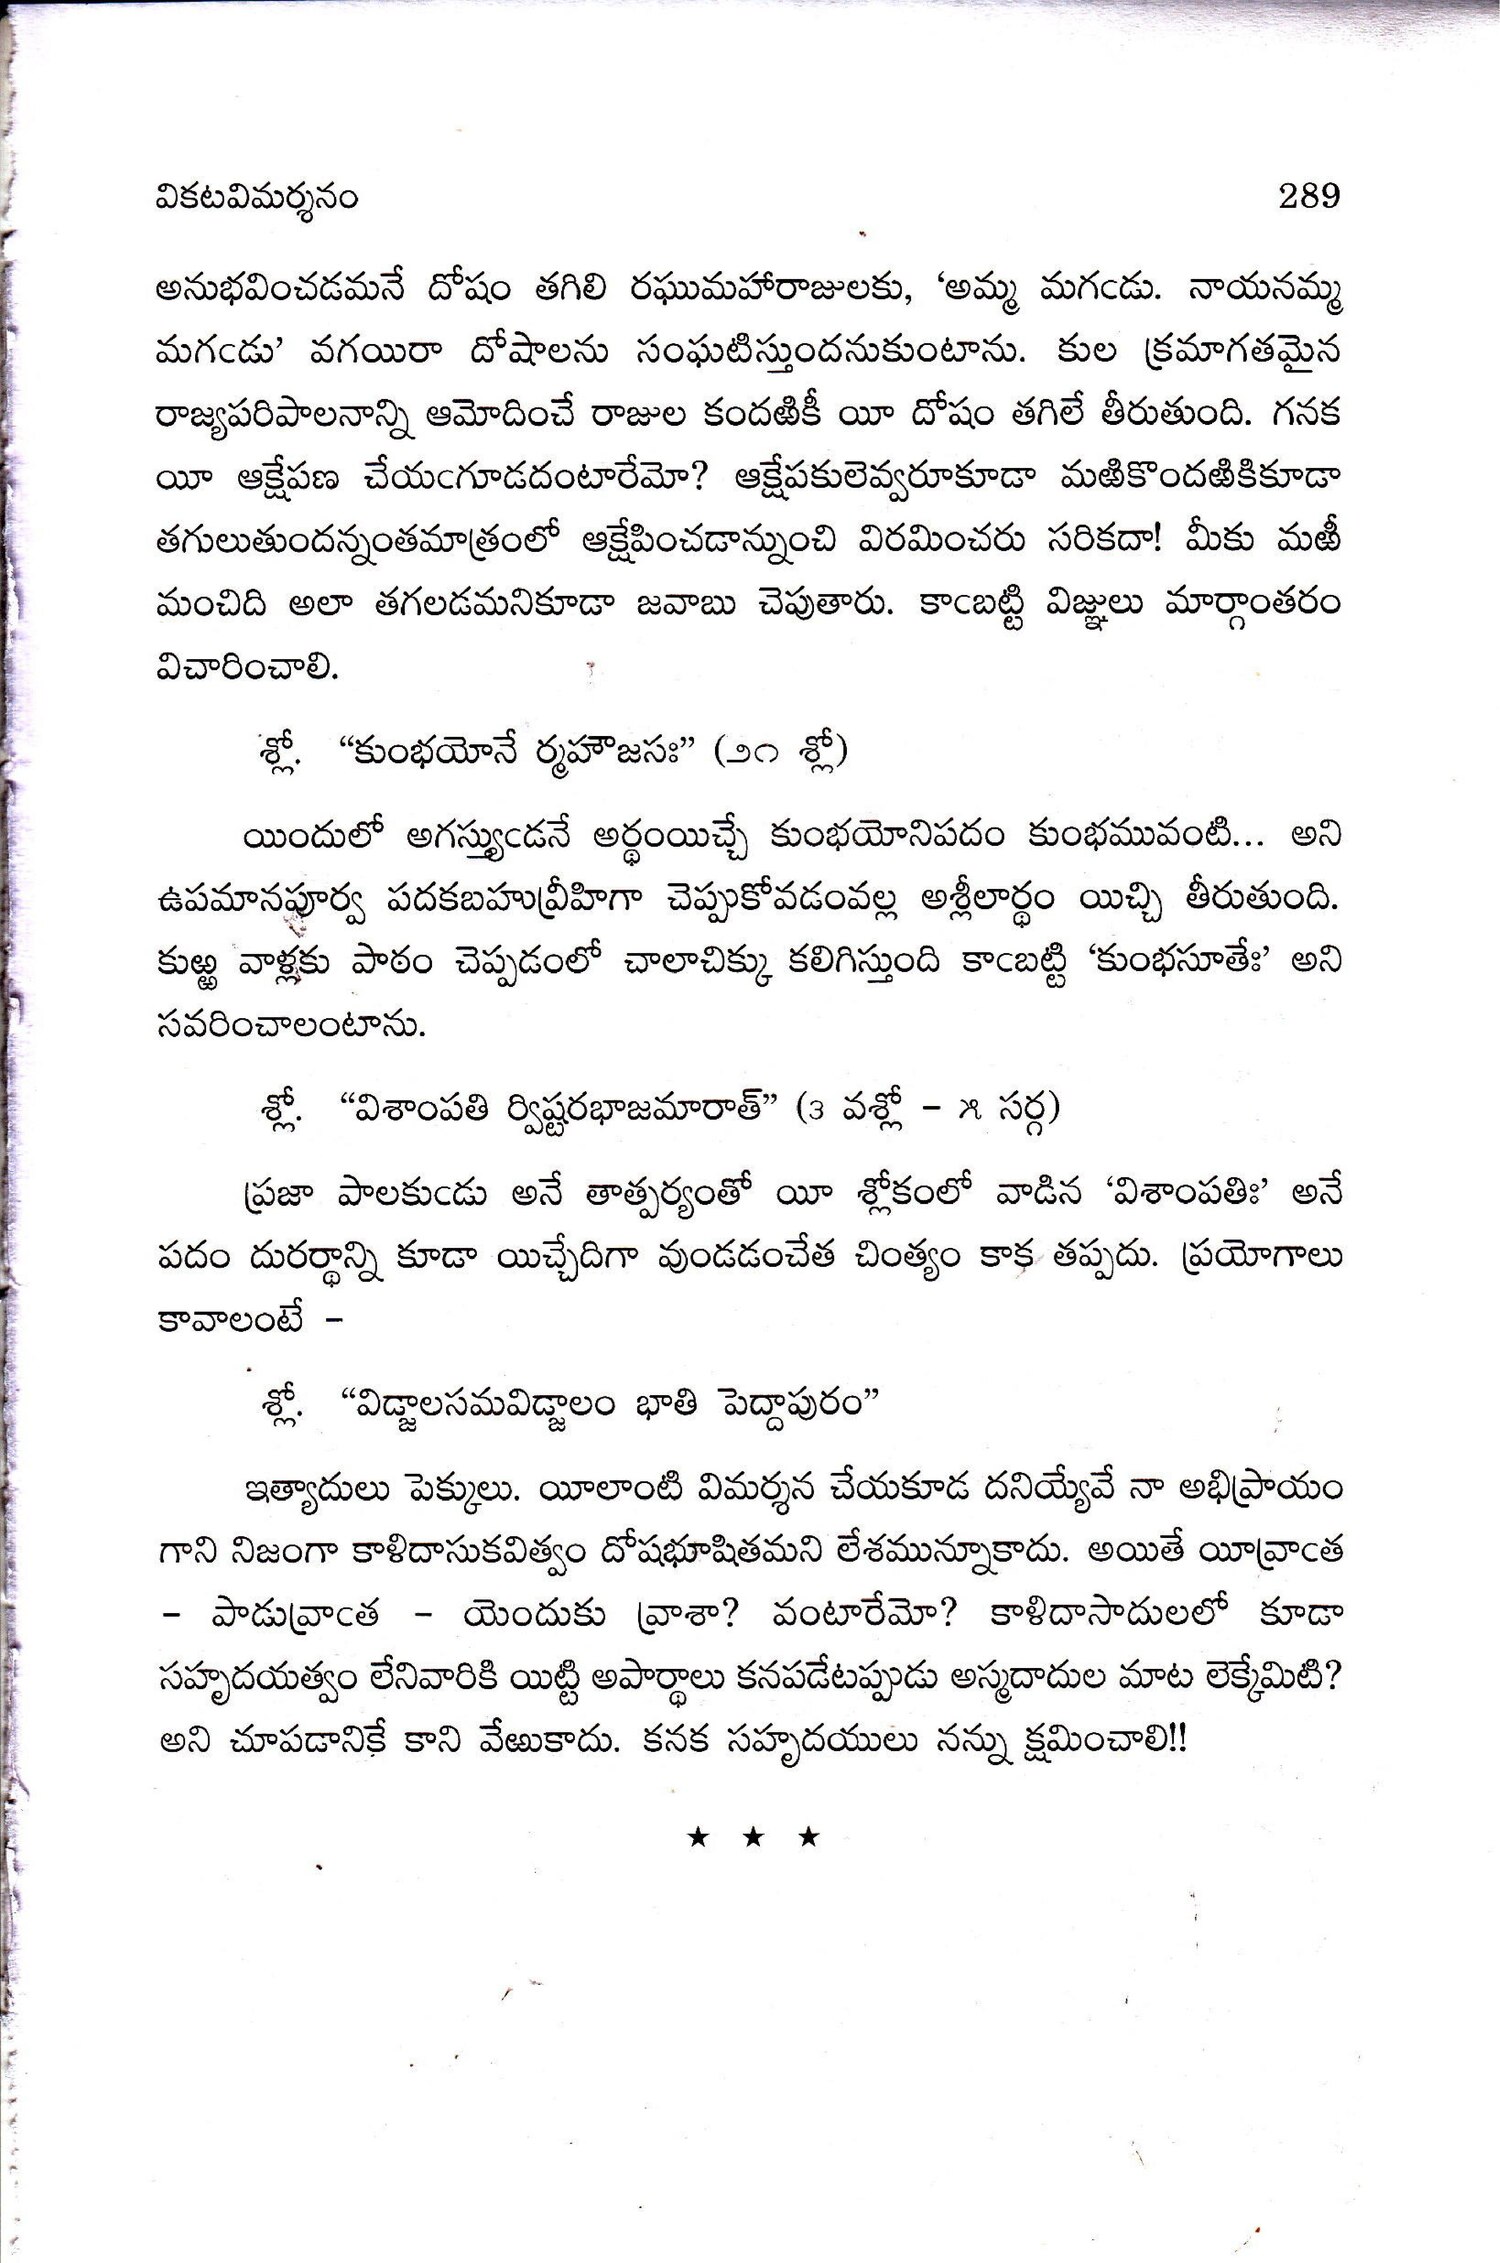అనుభవించడమనే దోషం తగిలి రఘుమహారాజులకు, 'అమ్మ మగఁడు. నాయనమ్మ మగఁడు' వగయిరా దోషాలను సంఘటిస్తుందనుకుంటాను. కుల క్రమాగతమైన రాజ్యపరిపాలనాన్ని ఆమోదించే రాజుల కందఱికీ యీ దోషం తగిలే తీరుతుంది. గనక యీ ఆక్షేపణ చేయఁగూడదంటారేమో? ఆక్షేపకులెవ్వరూకూడా మఱికొందఱికికూడా తగులుతుందన్నంతమాత్రంలో ఆక్షేపించడాన్నుంచి విరమించరు సరికదా! మీకు మఱీ మంచిది అలా తగలడమనికూడా జవాబు చెపుతారు. కాఁబట్టి విజ్ఞులు మార్గాంతరం విచారించాలి.

శ్లో. "కుంభయోనే ర్మహౌజసః" (21 శ్లో)
యిందులో అగస్త్యుఁడనే అర్థంయిచ్చే కుంభయోనిపదం కుంభమువంటి. అని ఉపమానపూర్వ పదకబహువ్రీహిగా చెప్పుకోవడంవల్ల అశ్లీలార్థం యిచ్చి తీరుతుంది. కుఱ్ఱ వాళ్లకు పాఠం చెప్పడంలో చాలాచిక్కు కలిగిస్తుంది కాఁబట్టి 'కుంభసూతేః’ అని సవరించాలంటాను.

శ్లో. “విశాంపతి ర్విష్టరభాజమారాత్ (3 వశ్లో - 5 సర్గ)
ప్రజా పాలకుఁడు అనే తాత్పర్యంతో యీ శ్లోకంలో వాడిన 'విశాంపతిః' అనే పదం దురర్థాన్ని కూడా యిచ్చేదిగా వుండడంచేత చింత్యం కాక తప్పదు. ప్రయోగాలు కావాలంటే -

శ్లో. “విడ్జాలసమవిడ్జాలం భాతి పెద్దాపురం"
ఇత్యాదులు పెక్కులు. యీలాంటి విమర్శన చేయకూడ దనియ్యేవే నా అభిప్రాయం గాని నిజంగా కాళిదాసుకవిత్వం దోషభూషితమని లేశమున్నూకాదు. అయితే యీవ్రాఁత - పాడువ్రాఁత - యెందుకు వ్రాశా? వంటారేమో? కాళిదాసాదులలో కూడా సహృదయత్వం లేనివారికి యిట్టి అపార్థాలు కనపడేటప్పుడు అస్మదాదుల మాట లెక్కేమిటి? అని చూపడానికే కాని వేఱుకాదు. కనక సహృదయులు నన్ను క్షమించాలి!!